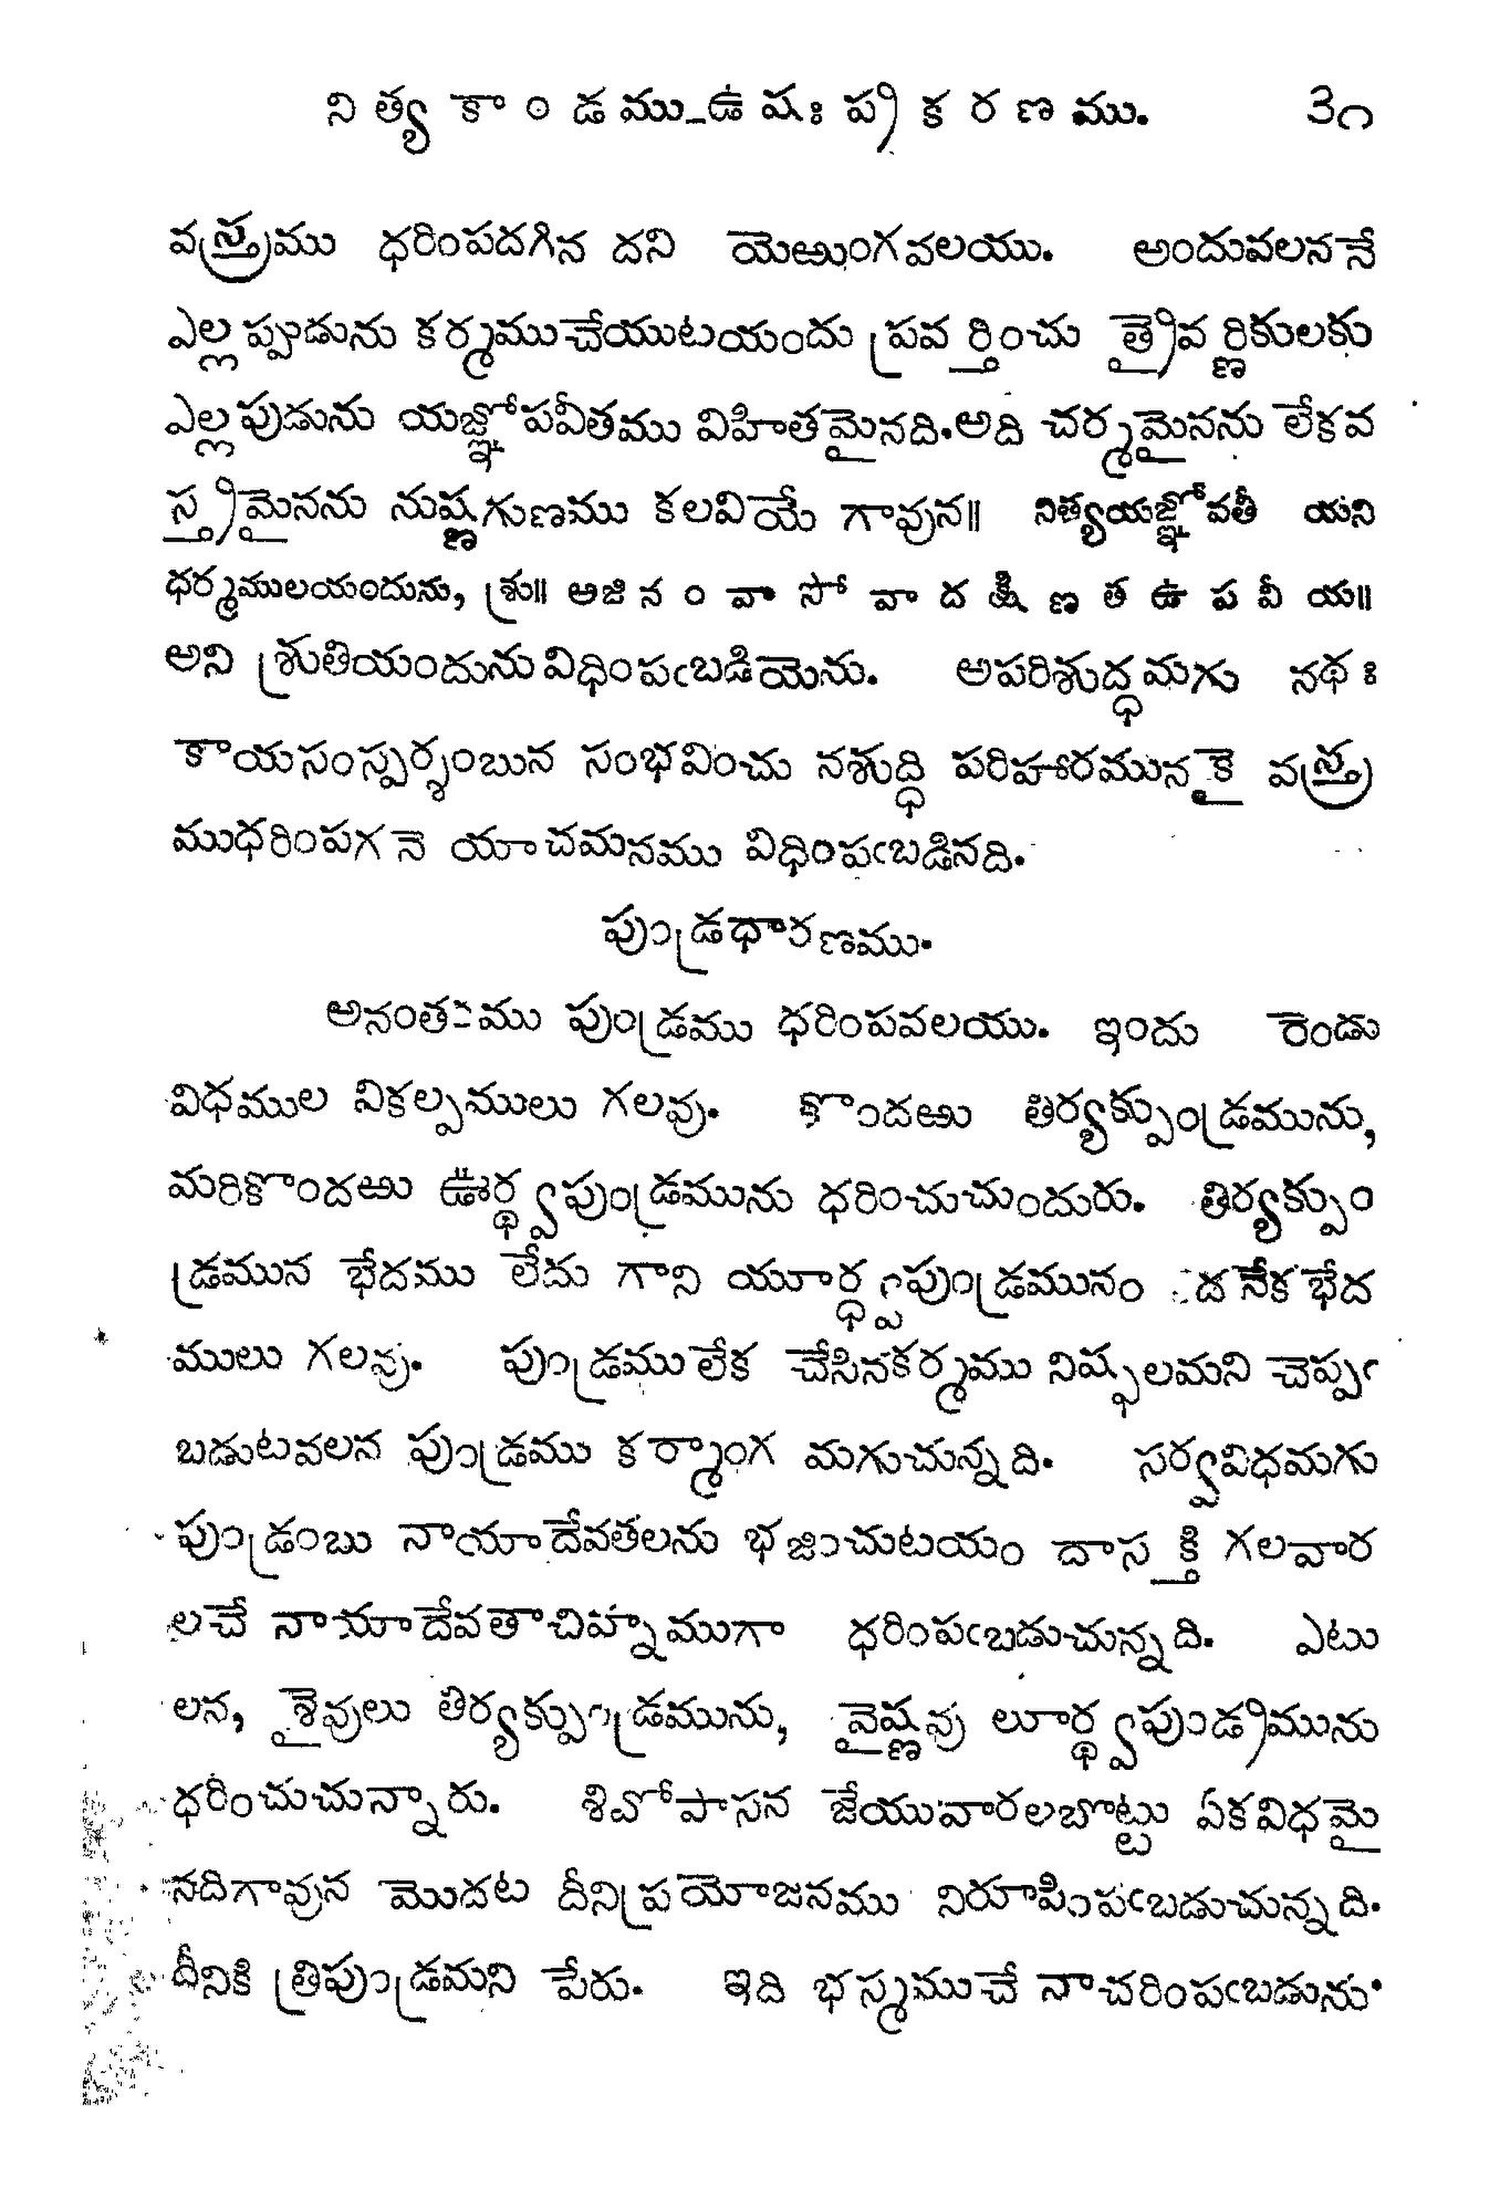వస్త్రము ధరింపదగిన దని యెఱుంగవలయు. అందువలననే ఎల్లప్పుడును కర్మముచేయుటయందు ప్రవర్తించు త్రైవర్ణికులకు ఎల్లపుడును యజ్ఞోపవీతము విహితమైనది. అది చర్మమైనను లేకవస్త్రమైనను నుష్ణగుణము కలవియే గావున॥ నిత్యయజ్ఞోవతీ యని ధర్మములయందును, శ్రు॥ అజినంవాసోవాదక్షిణత ఉపవీయ॥ అని శ్రుతియందును విధింపఁబడియెను. అపరిశుద్ధమగు నథఃకాయసంస్పర్శంబున సంభవించు నశుద్ధి పరిహారమునకై వస్త్రముధరింపగనె యాచమనము విధింపఁబడినది.

అనంతరము పుండ్రము ధరింపవలయు. ఇందు రెండువిధముల వికల్పములు గలవు. కొందఱు తిర్యక్పుండ్రమును, మరికొందఱు ఊర్థ్వపుండ్రమును ధరించుచుందురు. తిర్యక్పుండ్రమున భేదము లేదు గాని యూర్ధ్వపుండ్రమునం దనేకభేదములు గలవు. పుండ్రములేక చేసినకర్మము నిష్ఫలమని చెప్పఁబడుటవలన పుండ్రము కర్మాంగ మగుచున్నది. సర్వవిధమగు పుండ్రంబు నాయాదేవతలను భజించుటయం దాసక్తి గలవారలచే నాయాదేవతాచిహ్నముగా ధరింపఁబడుచున్నది. ఎటులన, శైవులు తిర్యక్పుండ్రమును, వైష్ణవు లూర్థ్వపుండ్రమును ధరించుచున్నారు. శివోపాసన జేయువారలబొట్టు ఏకవిధమైనదిగావున మొదట దీనిప్రయోజనము నిరూపింపఁబడుచున్నది. దీనికి త్రిపుండ్రమని పేరు. ఇది భస్మముచే నాచరింపఁబడును